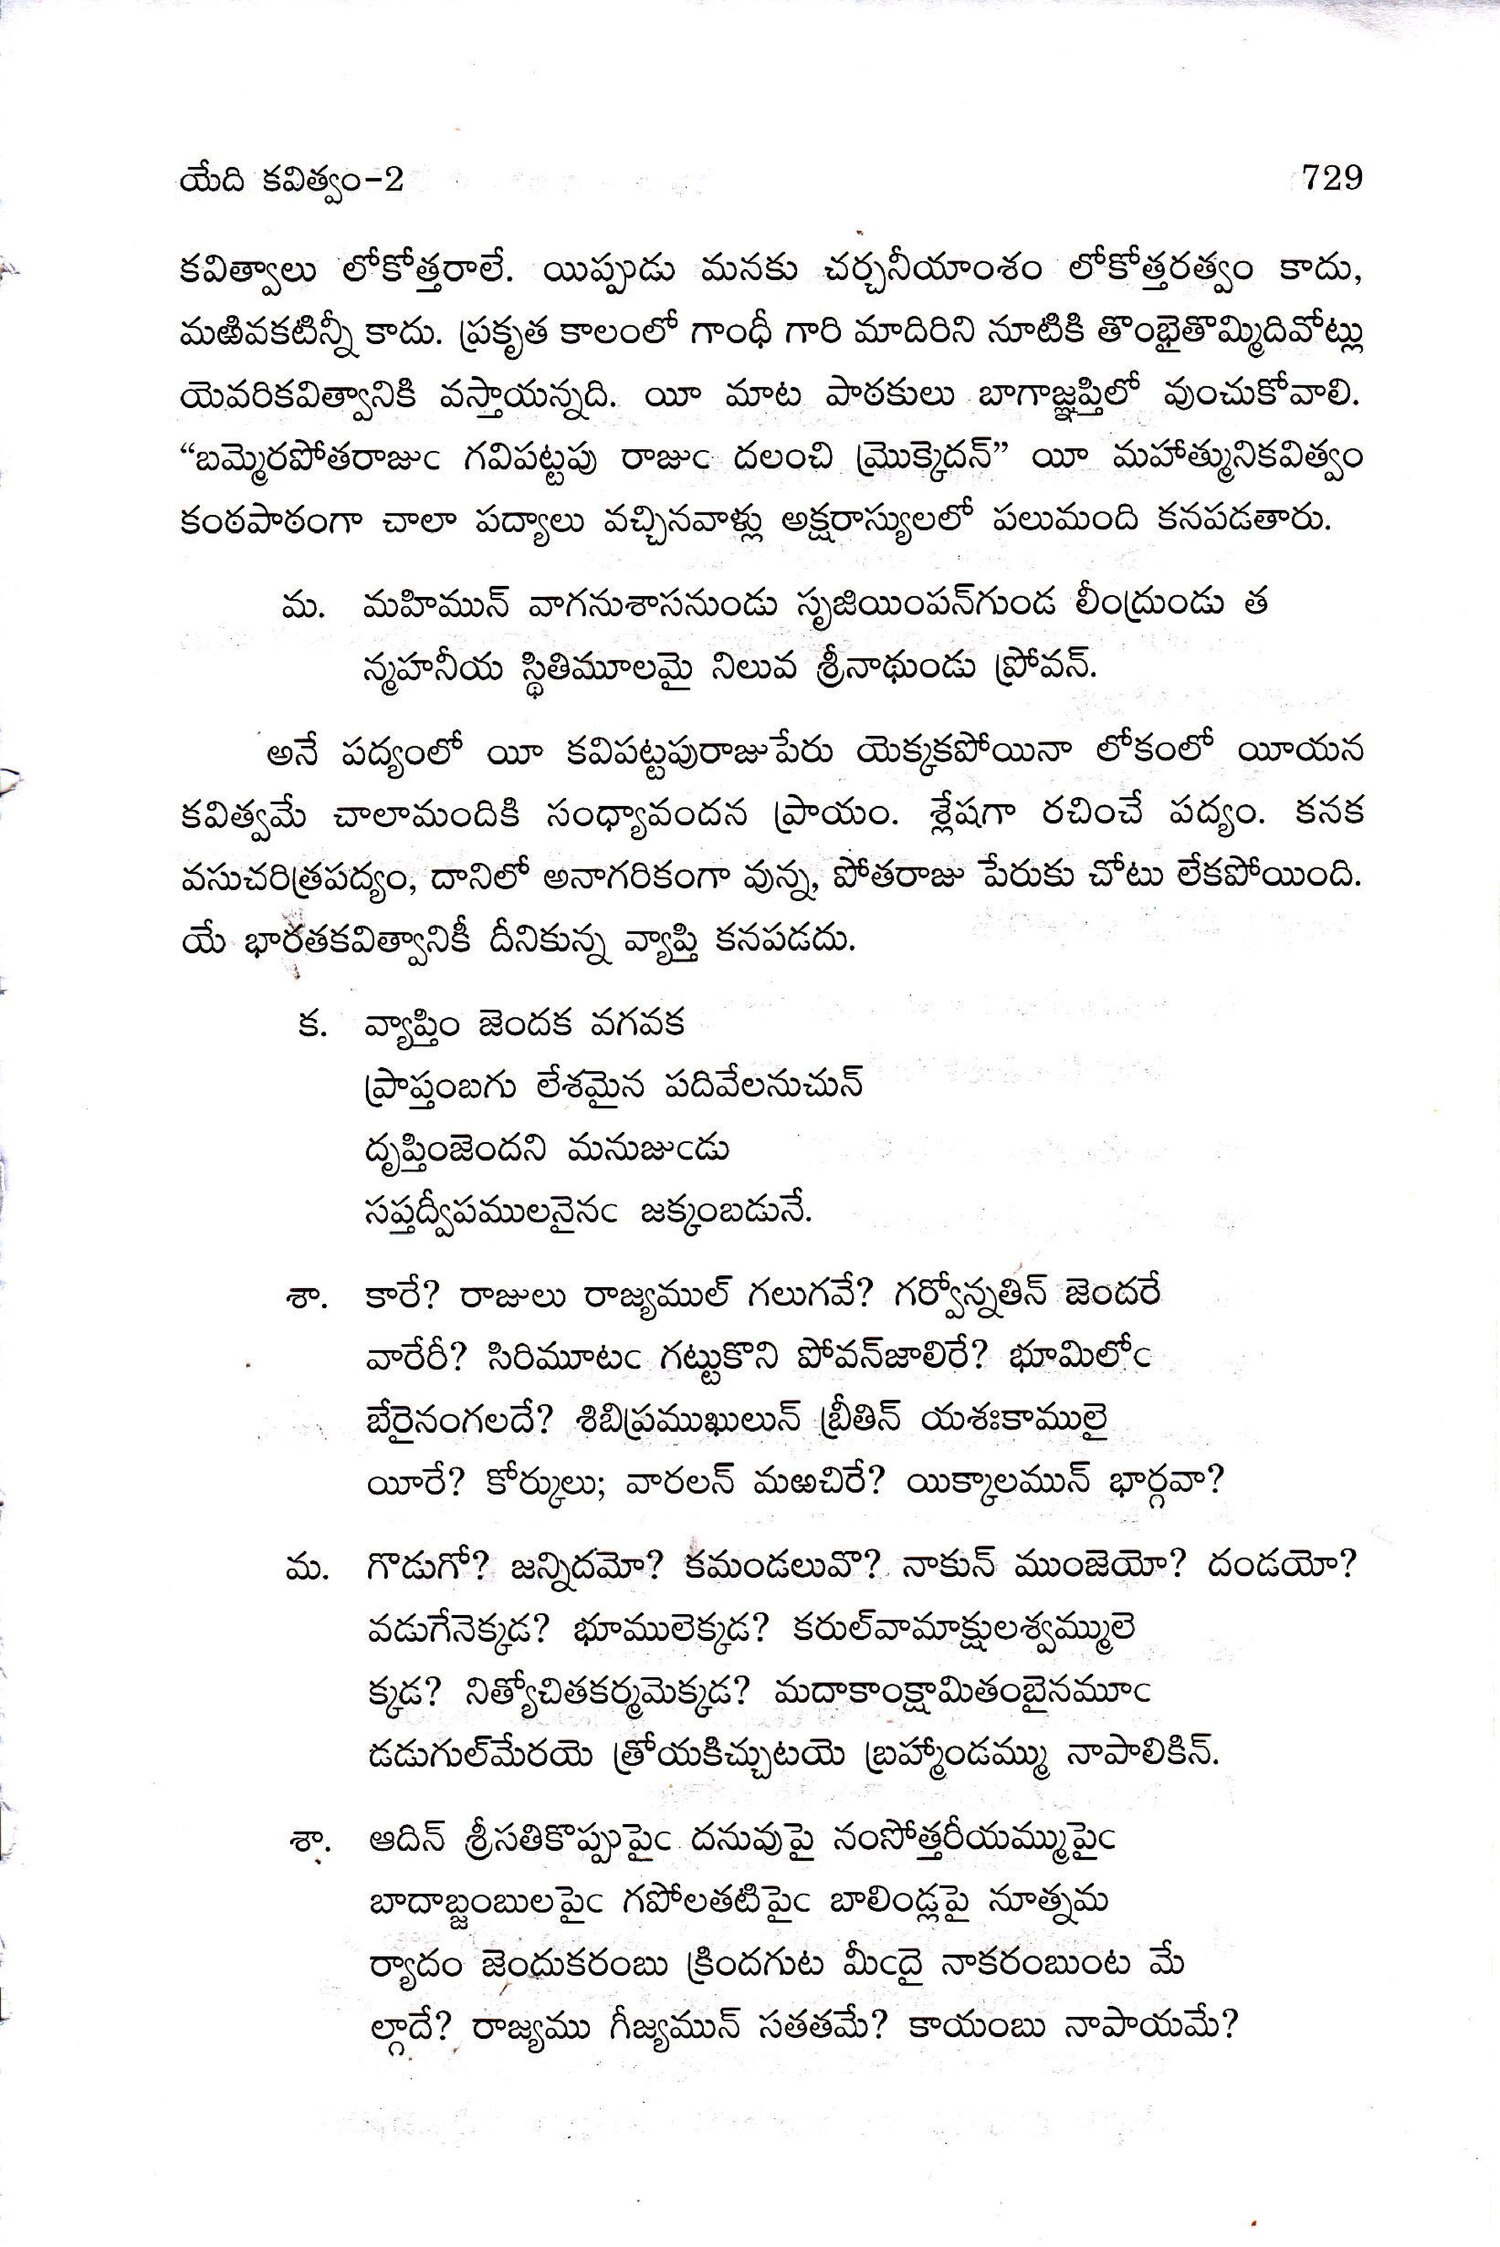కవిత్వాలు లోకోత్తరాలే. యిప్పుడు మనకు చర్చనీయాంశం లోకోత్తరత్వం కాదు, మఱివకటిన్నీ కాదు. ప్రకృత కాలంలో గాంధీ గారి మాదిరిని నూటికి తొంభైతొమ్మిదివోట్లు యెవరికవిత్వానికి వస్తాయన్నది. యీ మాట పాఠకులు బాగాజ్ఞప్తిలో వుంచుకోవాలి. “బమ్మెరపోతరాజుఁ గవిపట్టపు రాజుఁ దలంచి మ్రొక్కెదన్" యీ మహాత్మునికవిత్వం కంఠపాఠంగా చాలా పద్యాలు వచ్చినవాళ్లు అక్షరాస్యులలో పలుమంది కనపడతారు.

మ. మహిమున్ వాగనుశాసనుండు సృజియింపన్‌గుండ లీంద్రుండు త
 న్మహనీయ స్థితిమూలమై నిలువ శ్రీనాథుండు ప్రోవన్.
అనే పద్యంలో యీ కవిపట్టపురాజుపేరు యెక్కకపోయినా లోకంలో యీయన కవిత్వమే చాలామందికి సంధ్యావందన ప్రాయం. శ్లేషగా రచించే పద్యం. కనక వసుచరిత్రపద్యం, దానిలో అనాగరికంగా వున్న పోతరాజు పేరుకు చోటు లేకపోయింది. యే భారతకవిత్వానికీ దీనికున్న వ్యాప్తి కనపడదు.

క. వ్యాప్తిం జెందక వగవక
 ప్రాప్తంబగు లేశమైన పదివేలనుచున్ 
 దృప్తింజెందని మనుజుఁడు 
 సప్తద్వీపములనైనఁ జక్కంబడునే.

శా. కారే? రాజులు రాజ్యముల్ గలుగవే? గర్వోన్నతిన్ జెందరే 
 వారేరీ? సిరిమూటఁ గట్టుకొని పోవన్‌జాలిరే? భూమిలోఁ 
 బేరైనంగలదే? శిబిప్రముఖులున్ బ్రీతిన్ యశఃకాములై 
 యీరే? కోర్కులు; వారలన్ మఱచిరే? యిక్కాలమున్ భార్గవా?

మ. గొడుగో? జన్నిదమో? కమండలువొ? నాకున్ ముంజెయో? దండయో?
 వడుగేనెక్కడ? భూములెక్కడ? కరుల్‌వామాక్షులశ్వమ్ములె 
 క్కడ? నిత్యోచితకర్మమెక్కడ? మదాకాంక్షామితంబైనమూఁ 
 డడుగుల్‌మేరయె త్రోయకిచ్చుటయె బ్రహ్మాండమ్ము నాపాలికిన్,

శా. ఆదిన్ శ్రీసతికొప్పుపైఁ దనువుపై నంసోత్తరీయమ్ముపైఁ 
 బాదాబ్జంబులపైఁ గపోలతటిపైఁ బాలిండ్లపై నూత్నమ 
 ర్యాదం జెందుకరంబు క్రిందగుట మీఁదై నాకరంబుంట మే 
 ల్గాదే? రాజ్యము గీజ్యమున్ సతతమే? కాయంబు నాపాయమే?